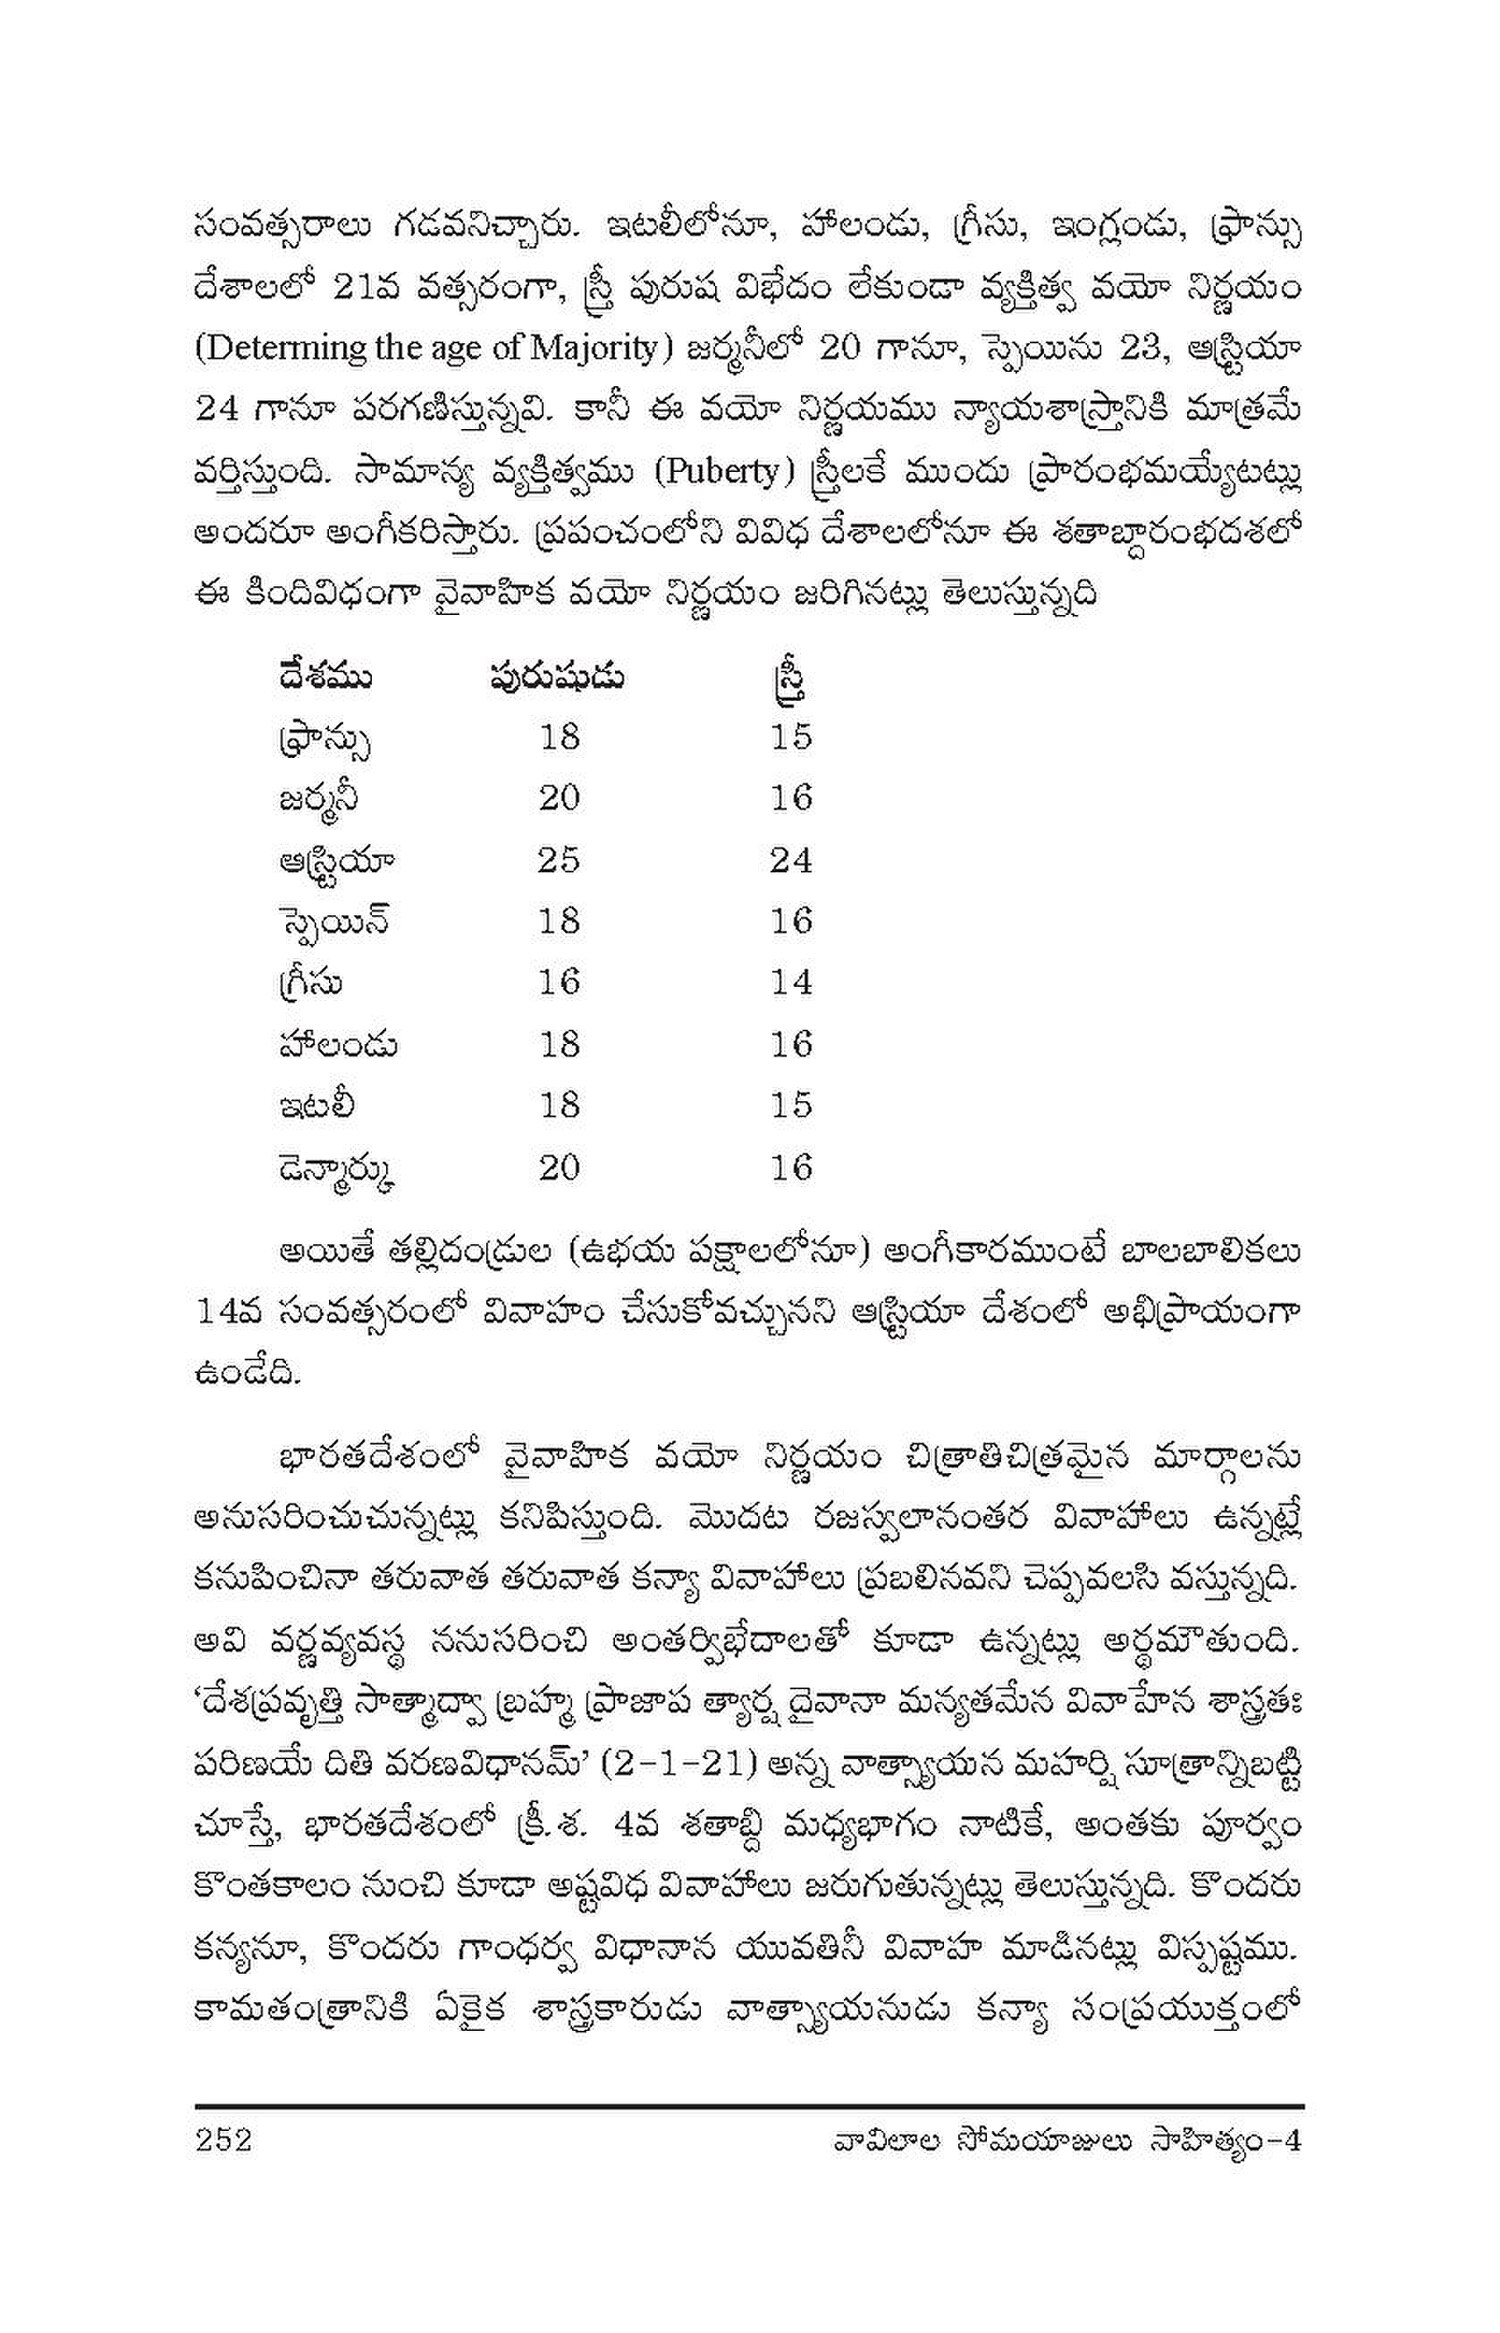సంవత్సరాలు గడవనిచ్చారు. ఇటలీలోనూ, హాలండు, గ్రీసు, ఇంగ్లండు, ఫ్రాన్సు
దేశాలలో 21వ వత్సరంగా, స్త్రీ పురుష విభేదం లేకుండా వ్యక్తిత్వ వయో నిర్ణయం
(Determing the age of Majority) జర్మనీలో 20 గానూ, స్పెయిను 23, ఆస్ట్రియా
24 గానూ పరిగణిస్తున్నవి. కానీ ఈ వయో నిర్ణయము న్యాయశాస్త్రానికి మాత్రమే
వర్తిస్తుంది. సామాన్య వ్యక్తిత్వము (Puberty) స్త్రీలకే ముందు ప్రారంభమయ్యేటట్లు
అందరూ అంగీకరిస్తారు. ప్రపంచంలోని వివిధ దేశాలలోనూ ఈ శతాబ్దారంభదశలో
ఈ కిందివిధంగా వైవాహిక వయో నిర్ణయం జరిగినట్లు తెలుస్తున్నది.
 దేశము పురుషుడు స్త్రీ ఫ్రాంసు 18 15 జర్మనీ 20 16 ఆస్ట్రియా 25 24 స్పెయిన్ 18 16 గ్రీసు 16 14 హాలండు 18 16 ఇటలీ 18 15 డెన్మార్కు 20 16

అయితే తల్లిదండ్రుల (ఉభయ పక్షాలలోనూ) అంగీకారముంటే బాలబాలికలు
14వ సంవత్సరంలో వివాహం చేసుకోవచ్చునని ఆస్ట్రియా దేశంలో అభిప్రాయంగా
ఉండేది.

భారతదేశంలో వైవాహిక వయో నిర్ణయం చిత్రాతిచిత్రమైన మార్గాలను
అనుసరించుచున్నట్లు కనిపిస్తుంది. మొదట రజస్వలానంతర వివాహాలు ఉన్నట్లే
కనుపించినా తరువాత తరువాత కన్యా వివాహాలు ప్రబలినవని చెప్పవలసి వస్తున్నది.
అవి వర్ణవ్యవస్థ ననుసరించి అంతర్విభేదాలతో కూడా ఉన్నట్లు అర్థమౌతుంది.
'దేశప్రవృత్తి సాత్మాద్వా బ్రహ్మ ప్రాజాప త్యార్ష దైవానా మన్యతమేన వివాహేన శాస్త్రతః
పరిణయే దితి వరణవిధానమ్' (2-1-21) అన్న వాత్స్యాయన మహర్షి సూత్రాన్నిబట్టి
చూస్తే, భారతదేశంలో క్రీ.శ. 4వ శతాబ్ది మధ్యభాగం నాటికే, అంతకు పూర్వం
కొంతకాలం నుంచి కూడా అష్టవిధ వివాహాలు జరుగుతున్నట్లు తెలుస్తున్నది. కొందరు
కన్యనూ, కొందరు గాంధర్వ విధానాన యువతిని వివాహ మాడినట్లు విస్పష్టము.
కామతంత్రానికి ఏకైక శాస్త్రకారుడు వాత్స్యాయనుడు కన్యా సంప్రయుక్తంలో